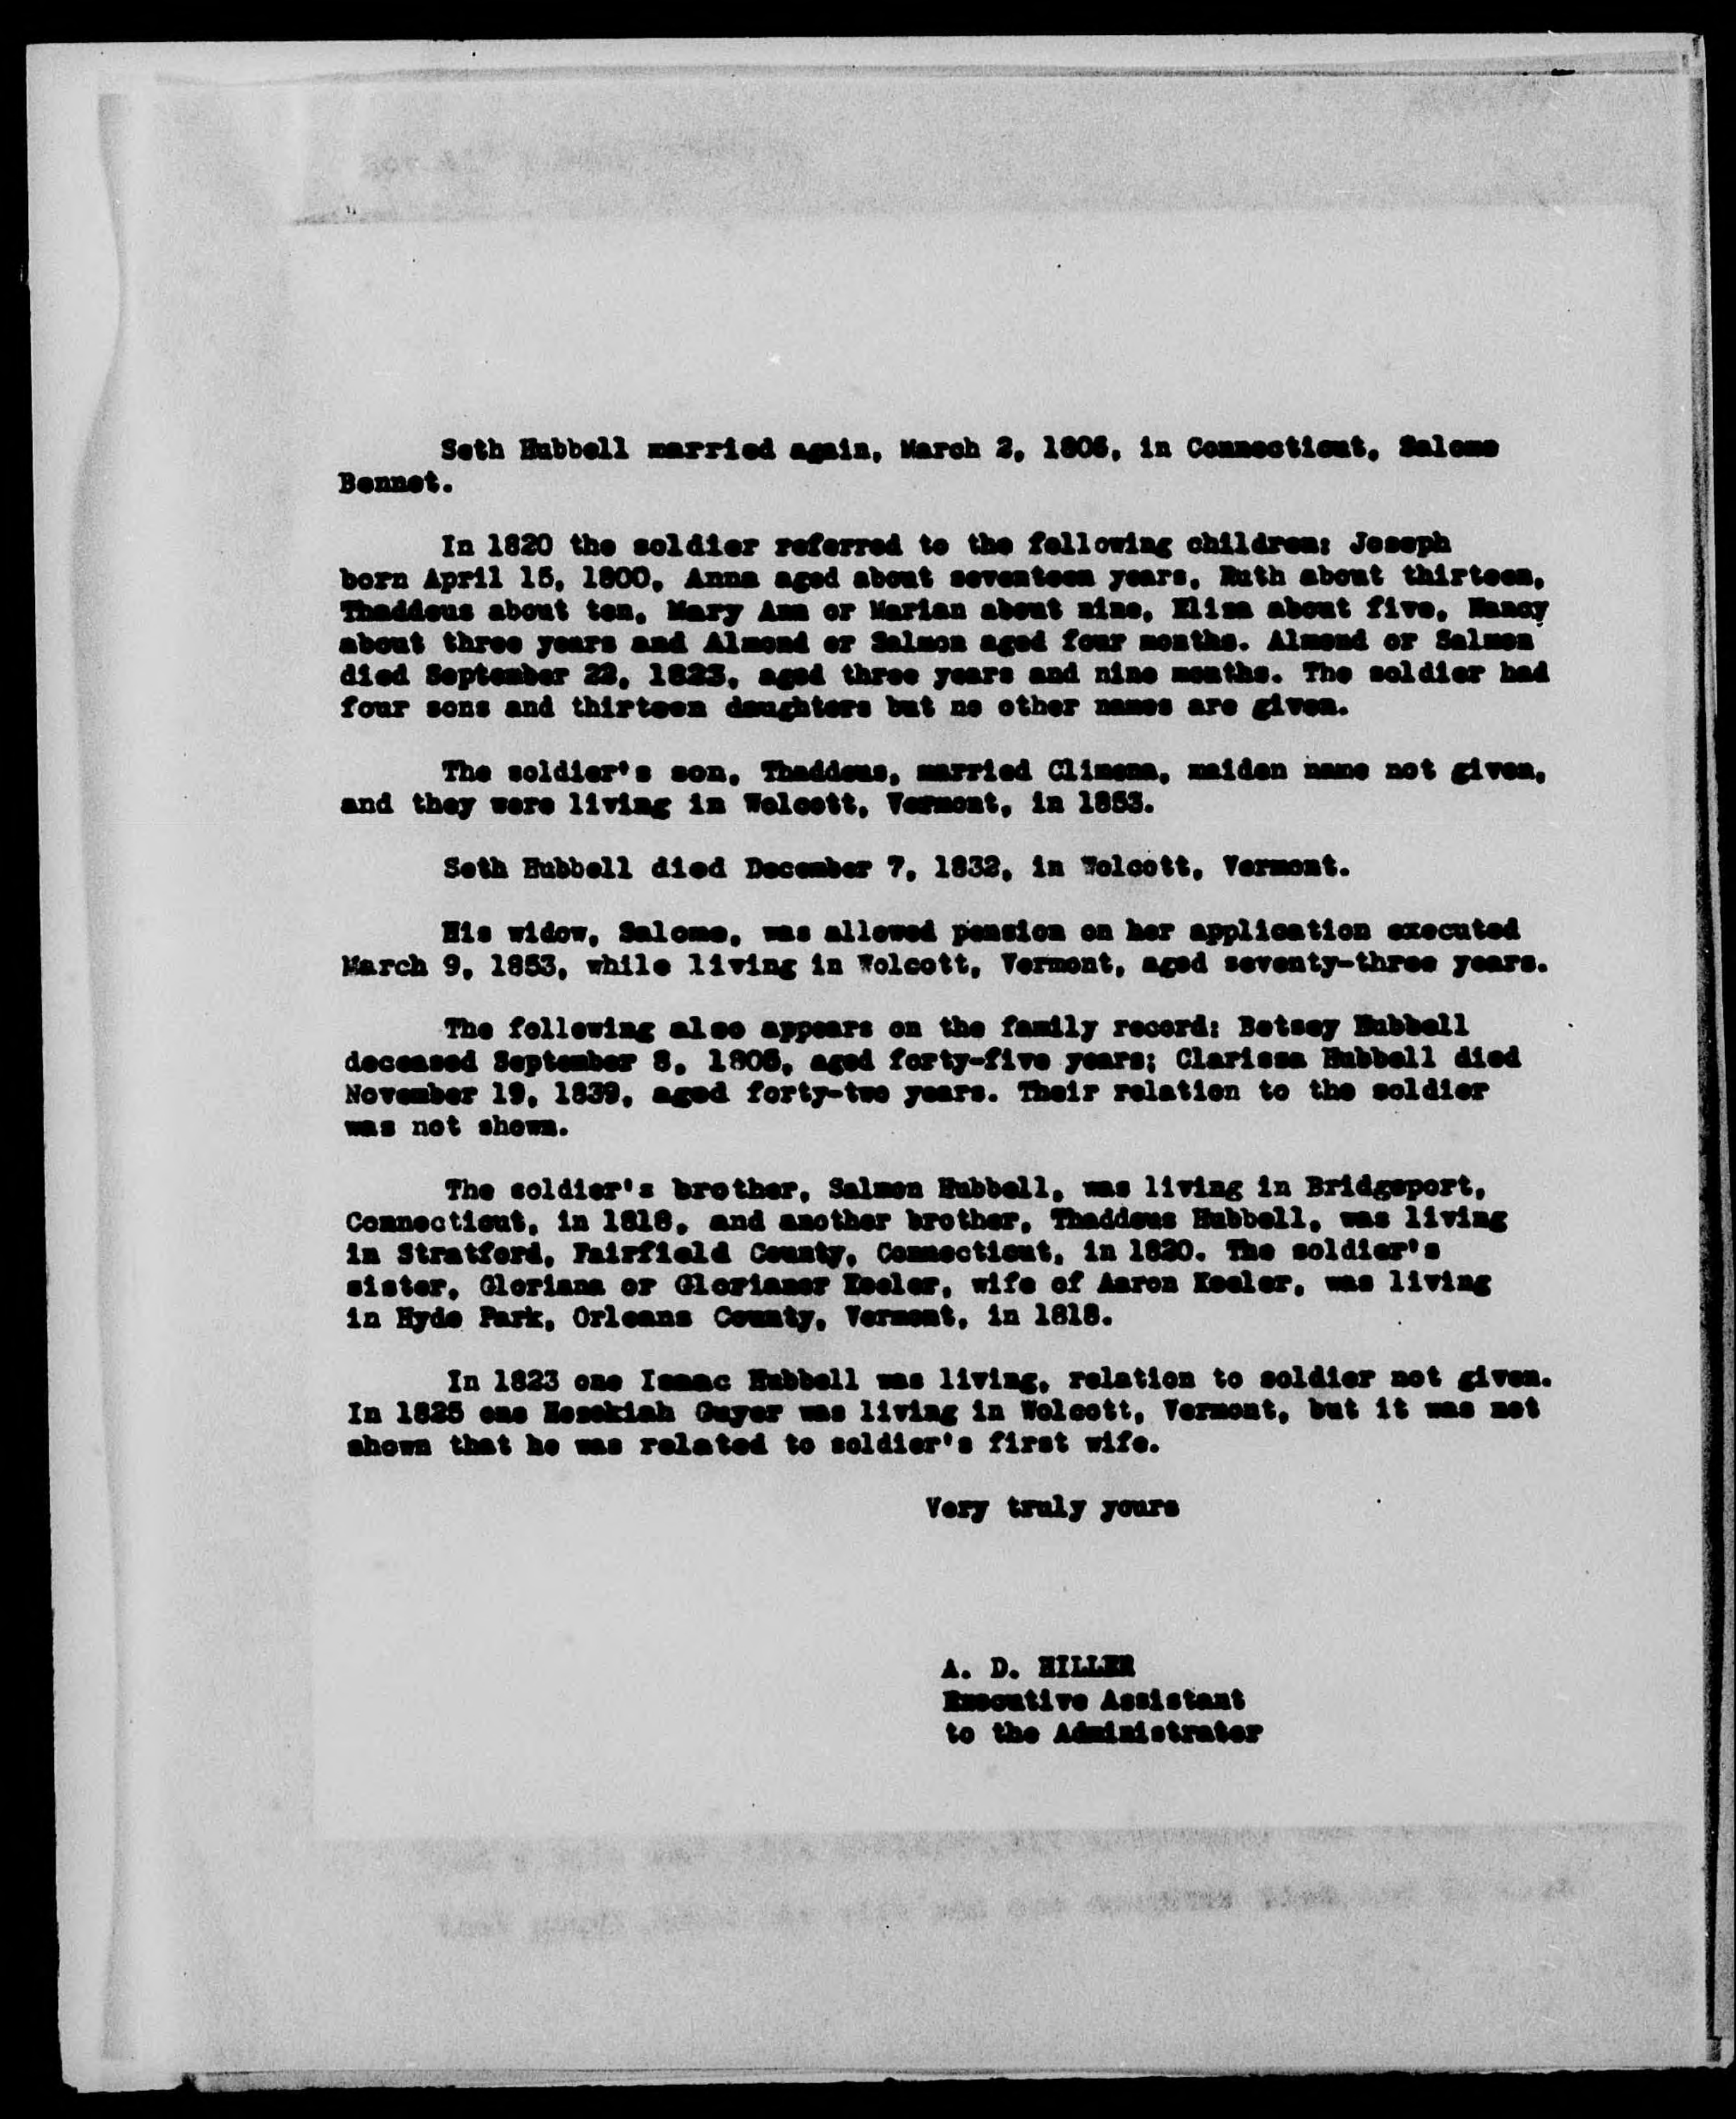Seth Hubbell married again, March 2, 1806, in Connecticut, Salome Bennet.

In 1820 the soldier referred to the following children: Joseph born April 15, 1800, Anna aged about seventeen years, Ruth about thirteen, Thaddeus about ten, Mary Ann or Marian about nine, Elisa about five, Nancy about three years and Almond or Salmon aged four months. Almond or Salmon died September 22, 1823, aged three years and nine months. The solider had four sons and thirteen daughters but no other names are given. 

The solder's son, Thaddeus, married Climena, maiden name not given, and they were living in Wolcott, Vermont, in 1853.

Seth Hubbell died December 7, 1832, in Wolcott, Vermont.

His widow, Salome, was allowed pension on her application executed March 9, 1853, while living in Wolcott, Vermont, aged seventy-three years.

The following also appears on the family record: Betsey Hubbell deceased September 8, 1805, aged forty-five year; Clarissa Hubbell died November 19, 1839, aged forty-two years. Their relation to the soldier was not shown. 

The soldier's brother, Salmon Hubbell, was living in Bridgeport, Connecticut, in 1818, and another brother, Thaddeus Hubbell, was living in Stratford, Fairfield County, Connecticut, in 1820.  The soldier's sister, Gloriana or Glorianor Keeler, wife of Aaron Keeler, was living in Hyde Park, Orleans County, Vermont, in 1818.

In 1823 one Isaac Hubbell was living, relation to soldier not given.  In 1825 one Hesekiah Guyer was living in Wolcott, Vermont, but it was not shown that he was related to soldier's first wife.

Very truly yours

A. D. HILLER
Executive Assistant
to the Administrator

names: Thaddeus Hubbell, Hezekiah Guyer, Marian, Gloriana Keeler, Betsey Hubbell, Joseph, Seth Hubbell, Almond, Isaac Hubbell, Glorianor Keeler, Climena, A D Hiller, Anna, Clarissa Hubbell, Nancy, Aaron Keeler, Salmon Hubbell, Ruth, Eliza, Mary Ann, Salome Bennet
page: 63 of 114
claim: widow's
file: W. 2115, Seth Hubbell, Conn.